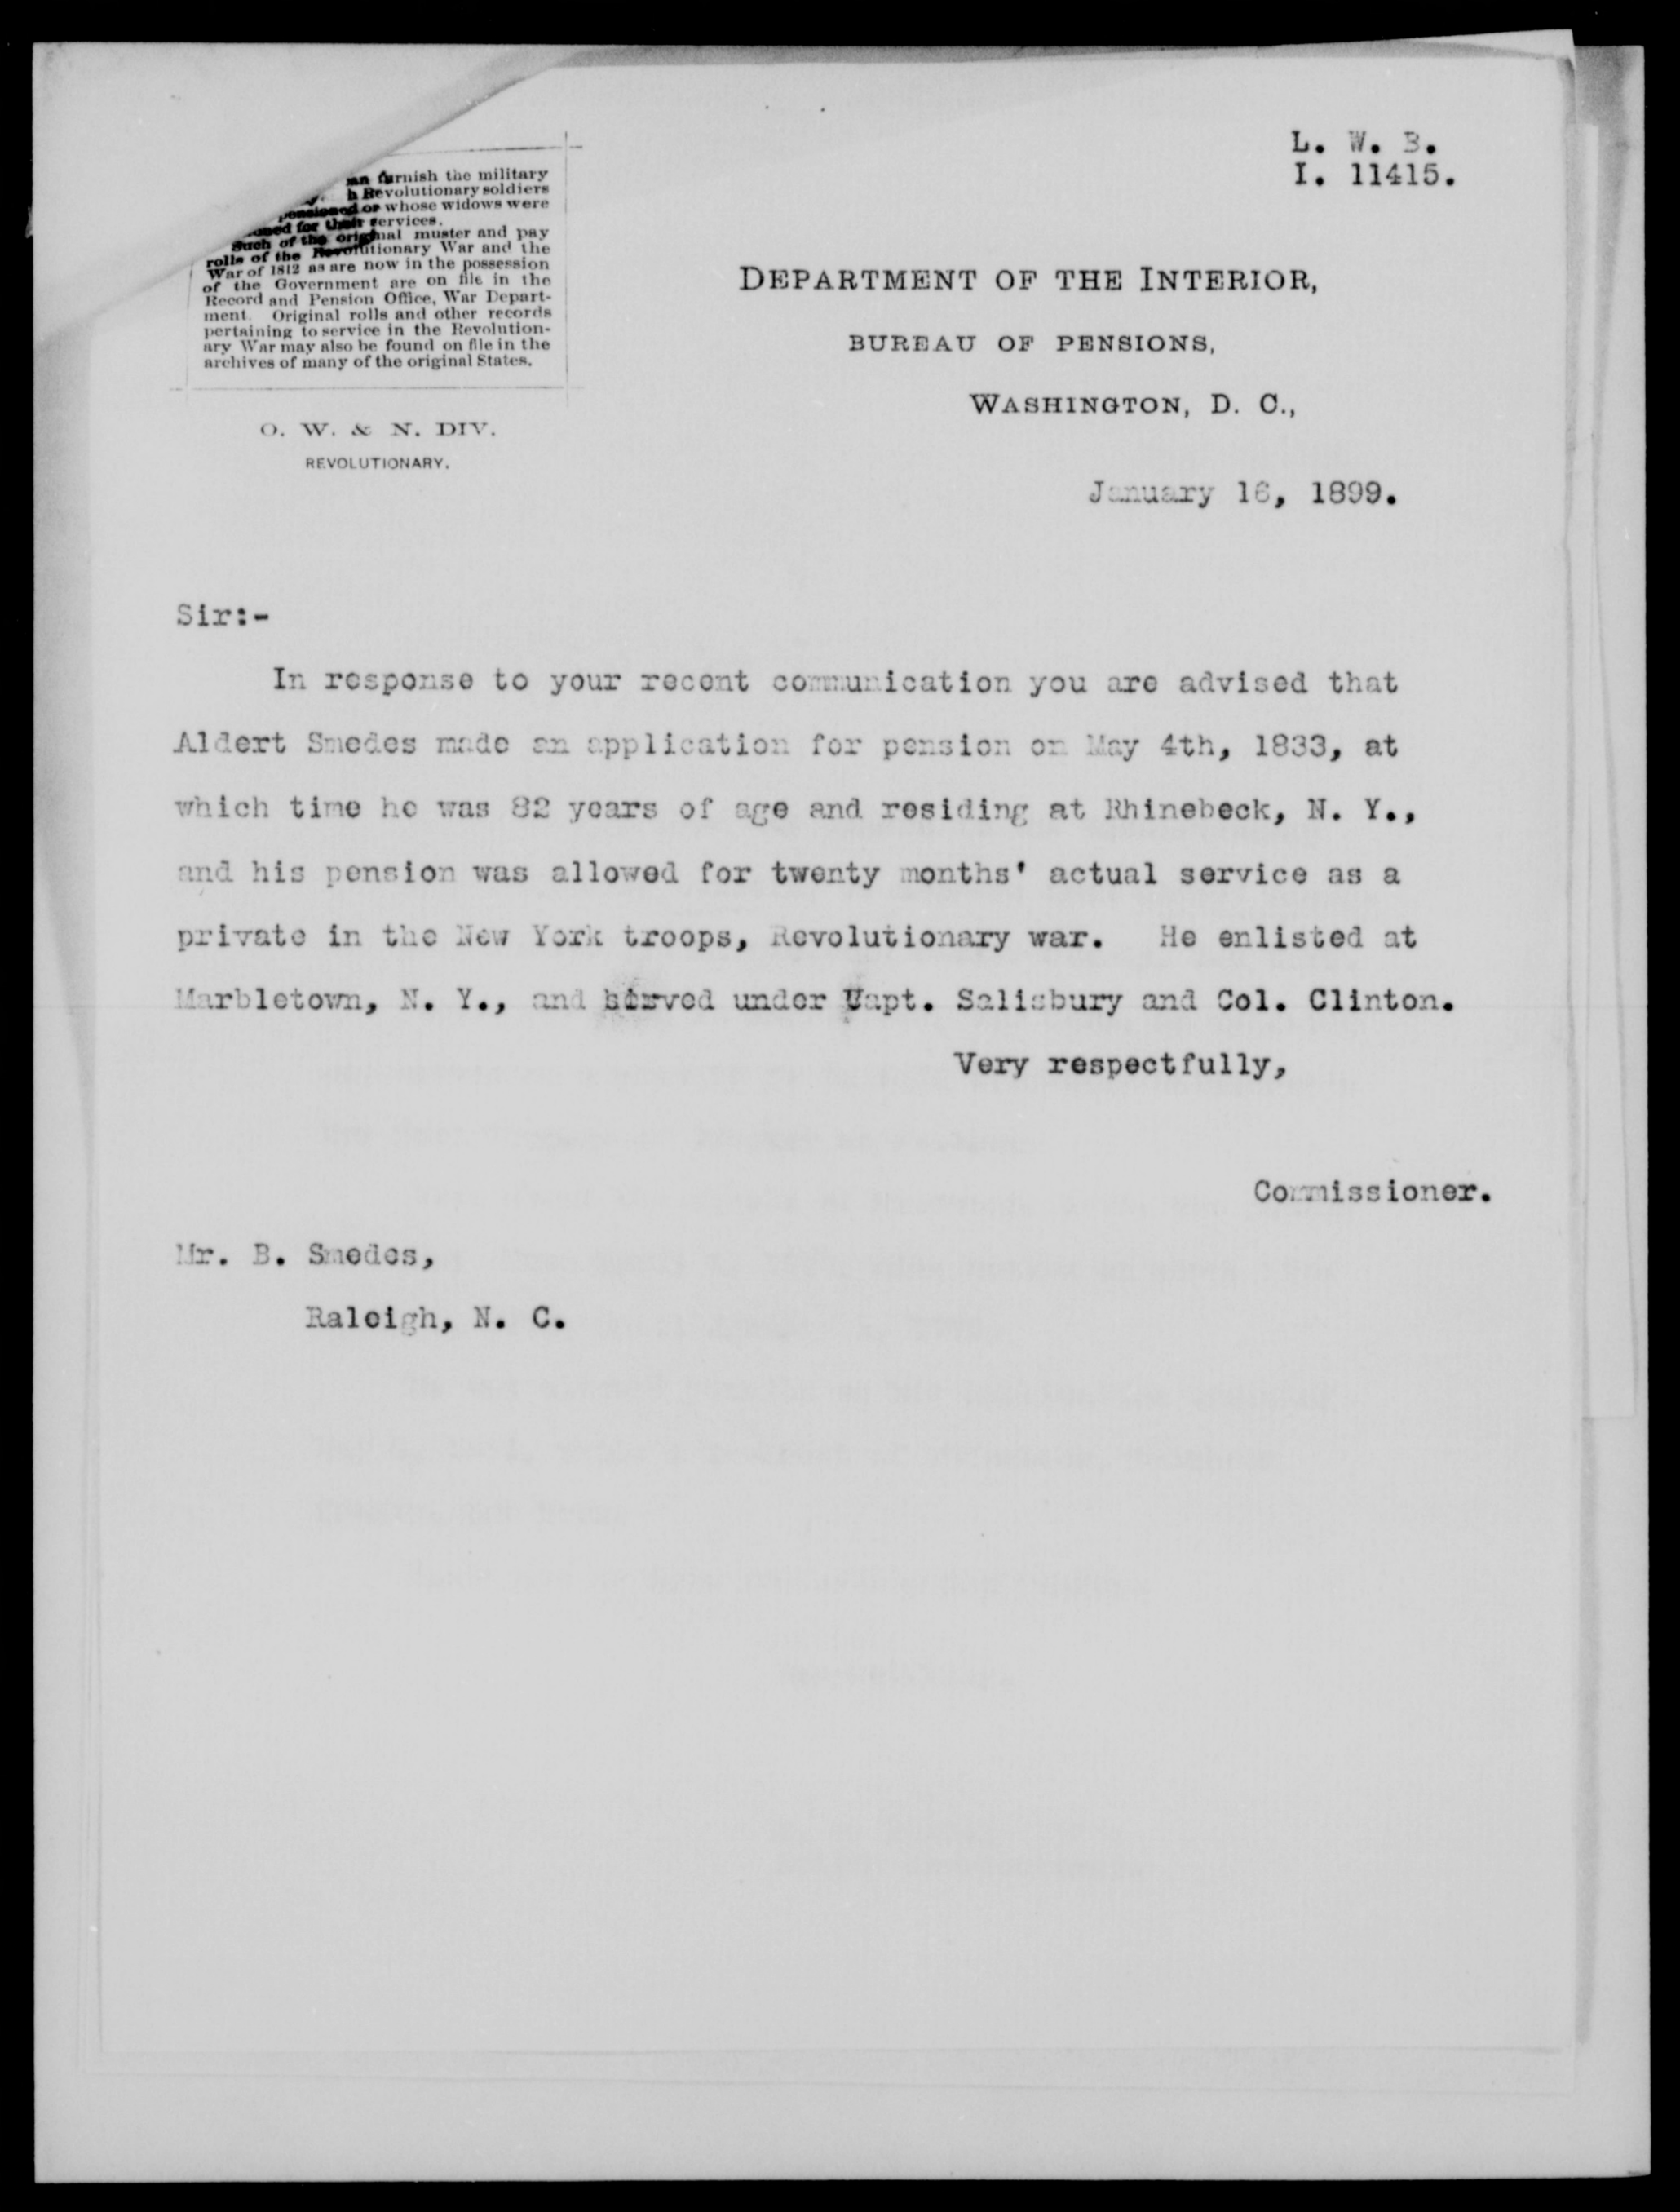[obscured] can furnish the military [obscured]
Revolutionary soldiers [obscured] pensioned or whose widows were pensioned for their services.
Such of the original muster and pay rolls of the Revolutionary War and the War of 1812 as are now in the possession of the Government are on file in the Record and Pension Office, War Department.  Original rolls and other records
pertaining to service in the Revolutionary War may also be found on file in the archives of many of the original States,
O. W. & N. DIV.
REVOLUTIONARY.

L. W. B.
I. 11415.

DEPARTMENT OF THE INTERIOR,
BUREAU OF PENSIONS.
WASHINGTON, D. C.,
January 16, 1899.

Sir:
In response to your recent communication you are advised that Aldert Smedes made an application for pension on May 4th, 1833, at
which time he was 82 years of age and residing at Rhinebeck, N. Y., and his pension was allowed for twenty months' actual service as a
private in the New York troops, Revolutionary war. He enlisted at Marbletown, N. Y., and served under Capt. Salisbury and Col. Clinton.
Very respectfully,

Commissioner


Mr. B. Smedes,
Raleigh, N. C.
Commissioner.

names: Aldert Smedes; B Smedes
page: 18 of 29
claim: survivor's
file: S. 11415, for Aldert Smedes, New York